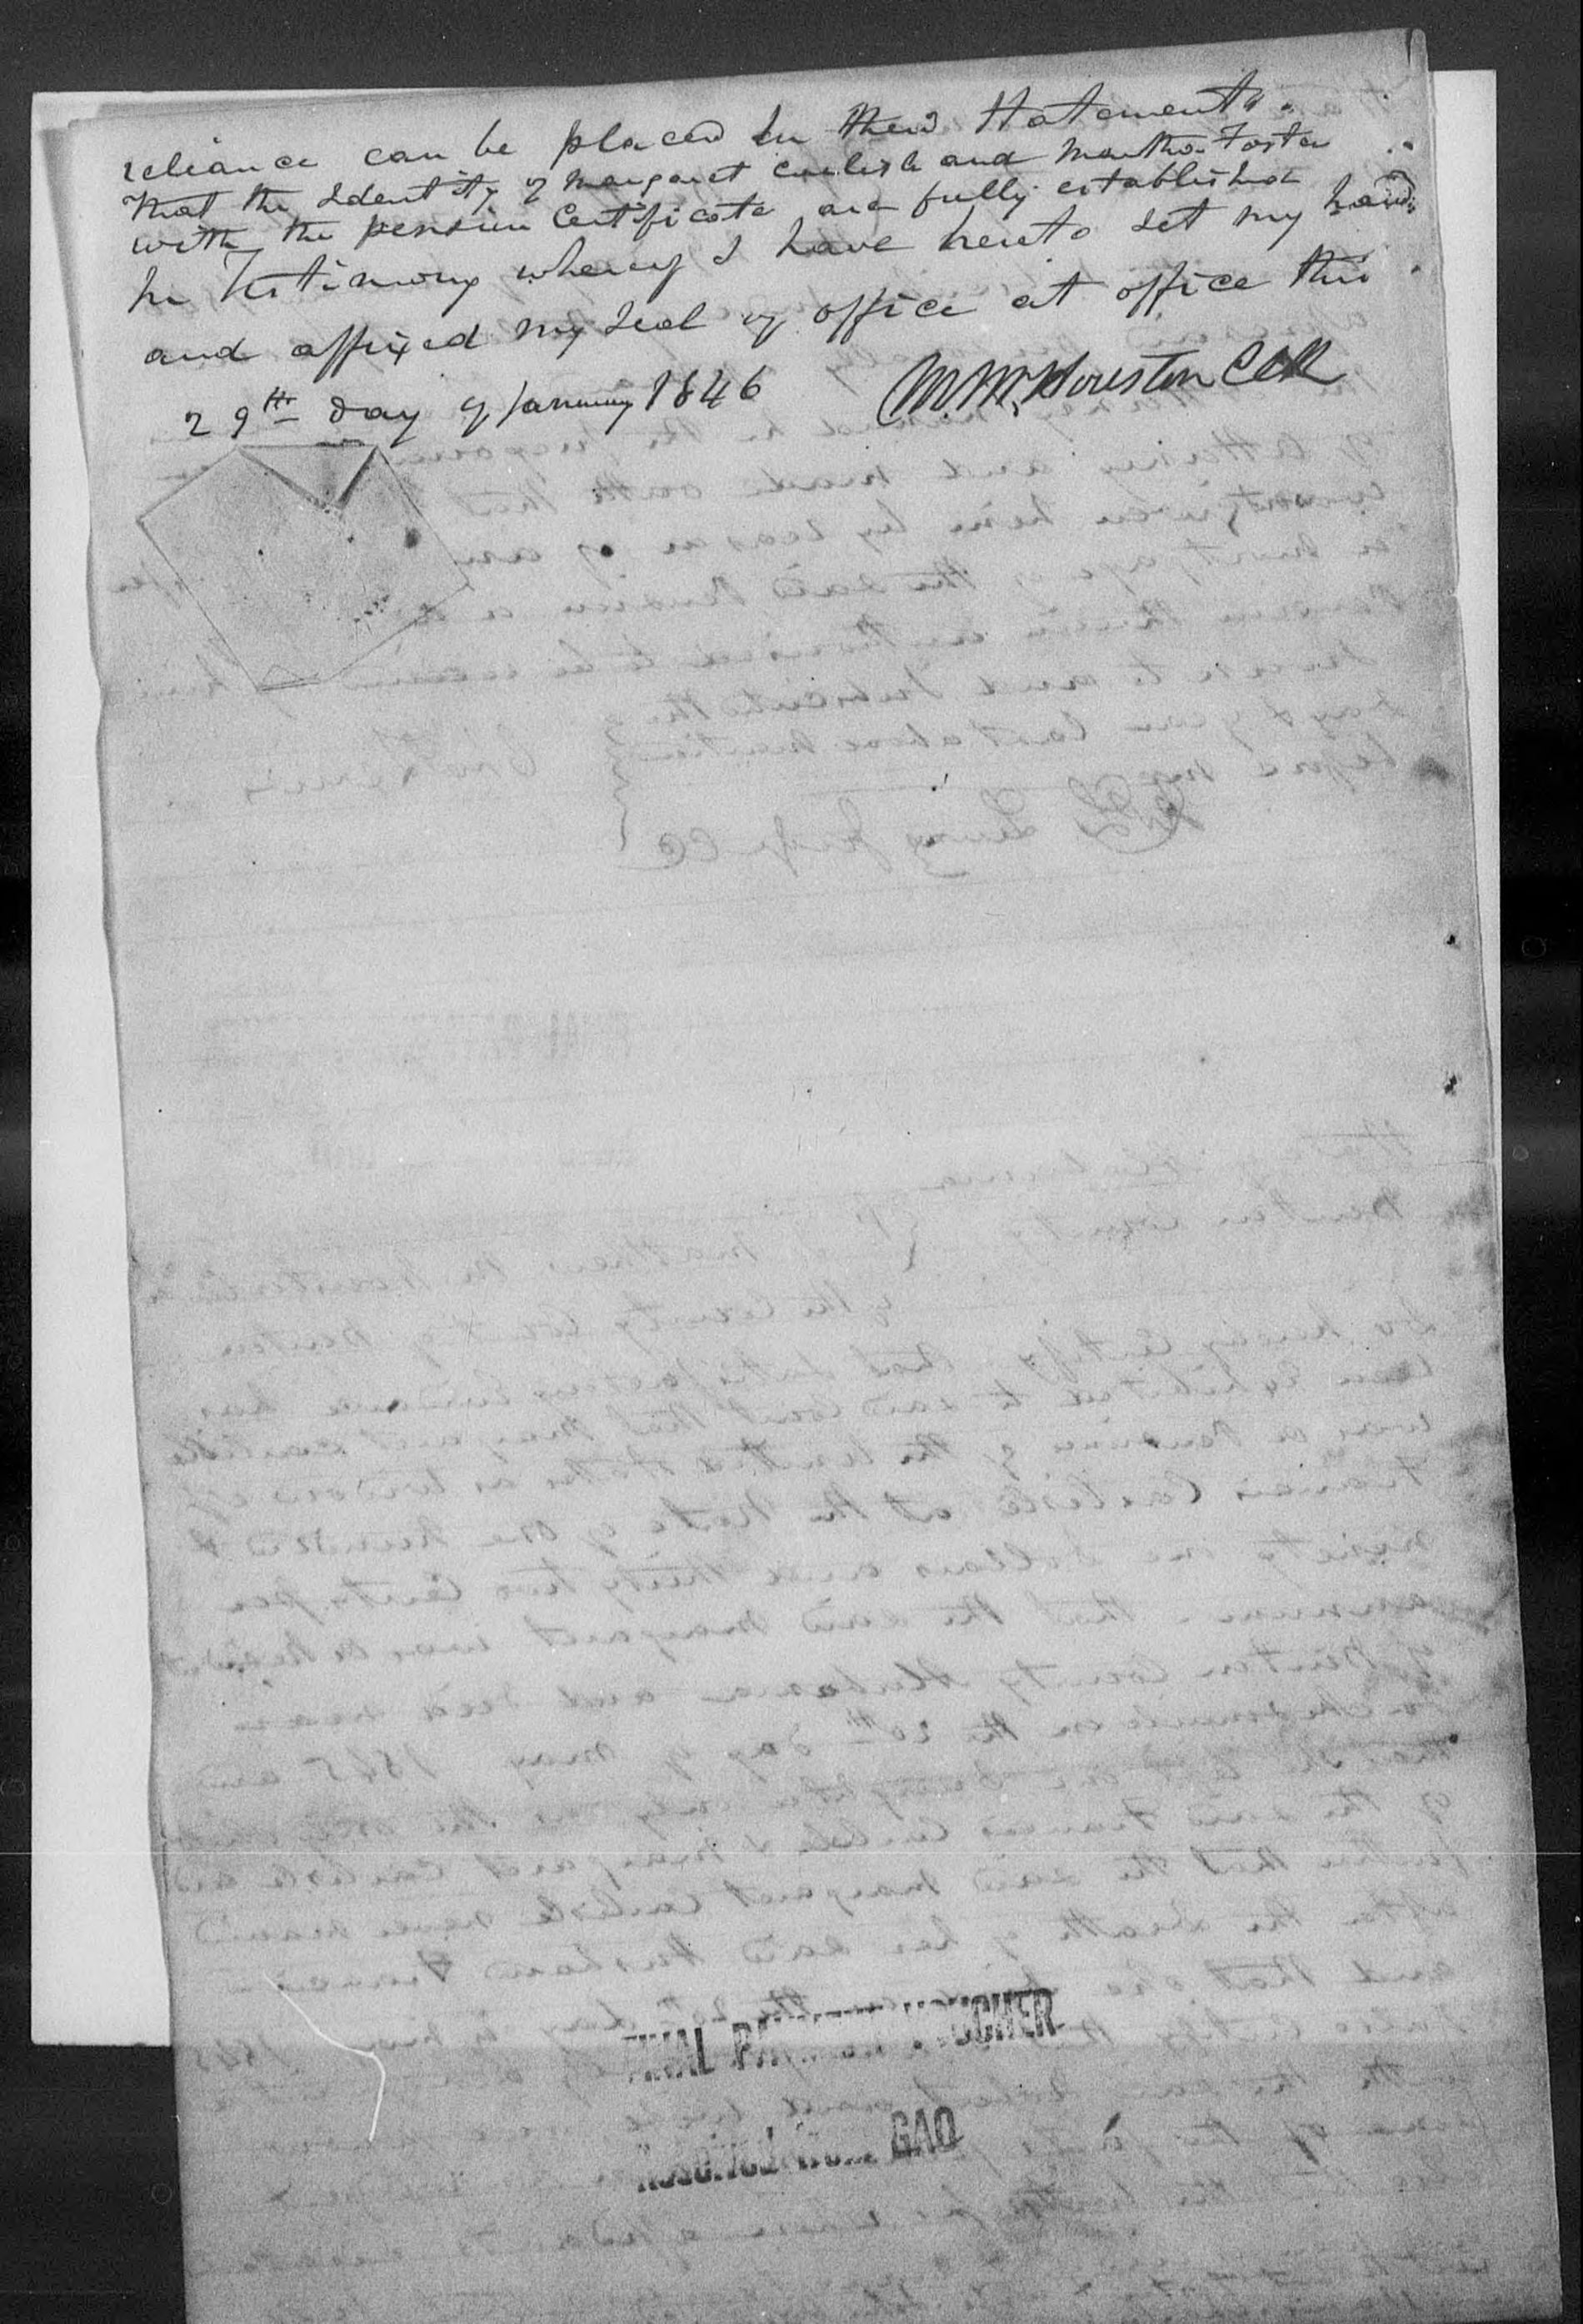reliance can be placed on their statements that the Identity of Margaret Carlisle and Martha  Foster with the pension certificate and fully established

In testimony whereof I have hereto set my hand and affixed my seal of office at office this 29th 
day of Jany 1846
M. M. Houston Clk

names: M M Houston, Martha Foster, Margaret Carlisle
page: 13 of 91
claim: widow's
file: W. 10576, Francis Carlisle, S.C.